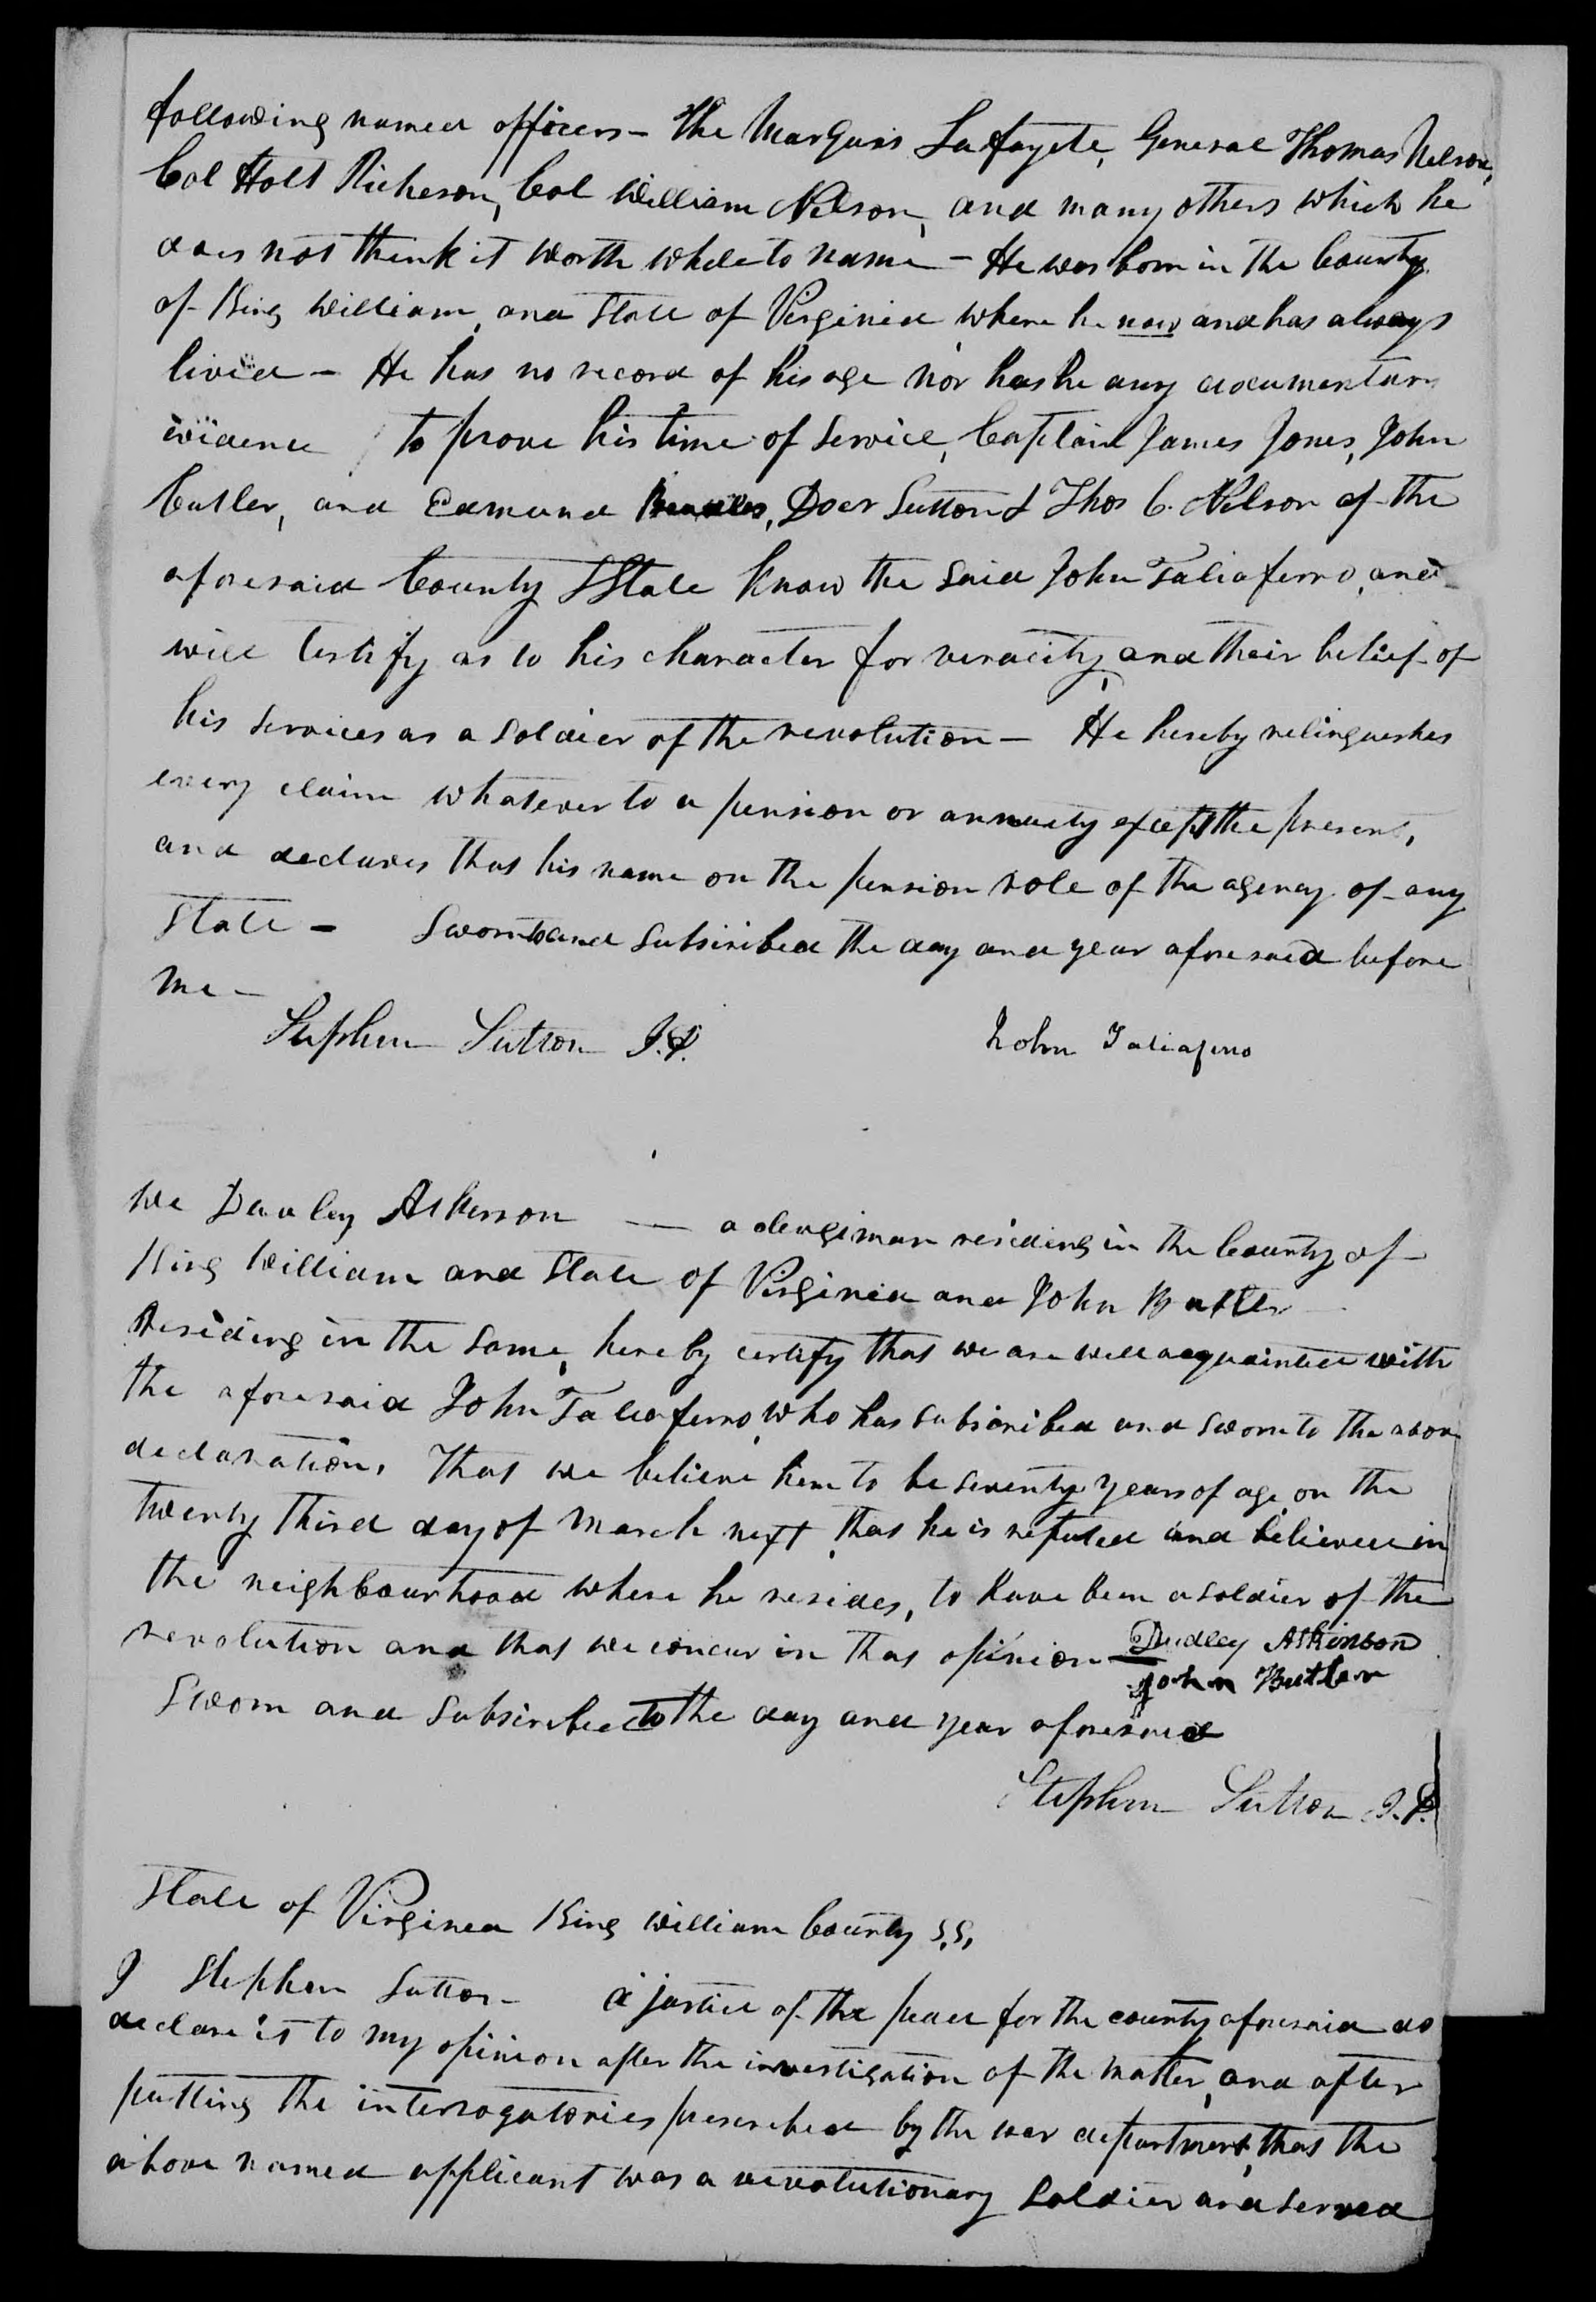following named officers - the Marquis Lafayette, General Thomas Nelson, Col Holt Richeson, Col William Nelson, and many others which he does not think it worth while to name. He was born in the County of King William, and the State of Virginia where he now and has always lived. He has no record of his age nor has he any documentary evidence to prove his time of service. Captain James Jones, John Cutler, and Edmund Beadles, Doer Sutton & Thos C Nelson of the aforesaid County & State know the said John Taliaferro and will testify as to his character for veracity, and their belief of his services as a soldier of the revolution. He hereby relinquishes every claim whatever to a pension or annuity except the present and declares that his name on the pension role of the agency of any state. 
Sworn to and subscribed the day and year aforesaid before me. Stephen Sutton J.P.

Mr Darby Atkinson a clergyman residing in the County of King William and State of Virginia and  John Butler residing in the same hereby certify that we are well acquainted with the aforesaid John Taliaferro who has subscribed and sworn to the above declaration. That we believe him to be seventy years of age on the twenty third day of March  next, that he is reputed and believes in the neighborhood where he resides, to have been a soldier of the revolution and that we concur in that opinion. 
Dudley Atkinson
John Butler
Sworn and submitted to the day and year aforesaid. 
Stephen Sutton J. P. 

State of Virginia King William County S.S.
I Stephen Sutton a justice of the peace for the COunty aforesaid do declare it to my opinion after the investigation of the matter and after putting the interrogatories prescribed by the war department that the above named applicant was a revolutionary soldier and served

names: Holt Richeson; John Butler; John Taliaferro; Doer Sutton; John Taliaferro; Thomas Nelson; Dudley Atkinson; John Cutler; Stephen Sutton; James Jones; Stephen Sutton; Edmund Beadles; William Nelson; Danley Atkinson; Thos C Nelson; Stephen Sutton; John Butler; John Taliaferro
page: 6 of 34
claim: survivor's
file: S. 19483, for John Taliaferro, Virginia